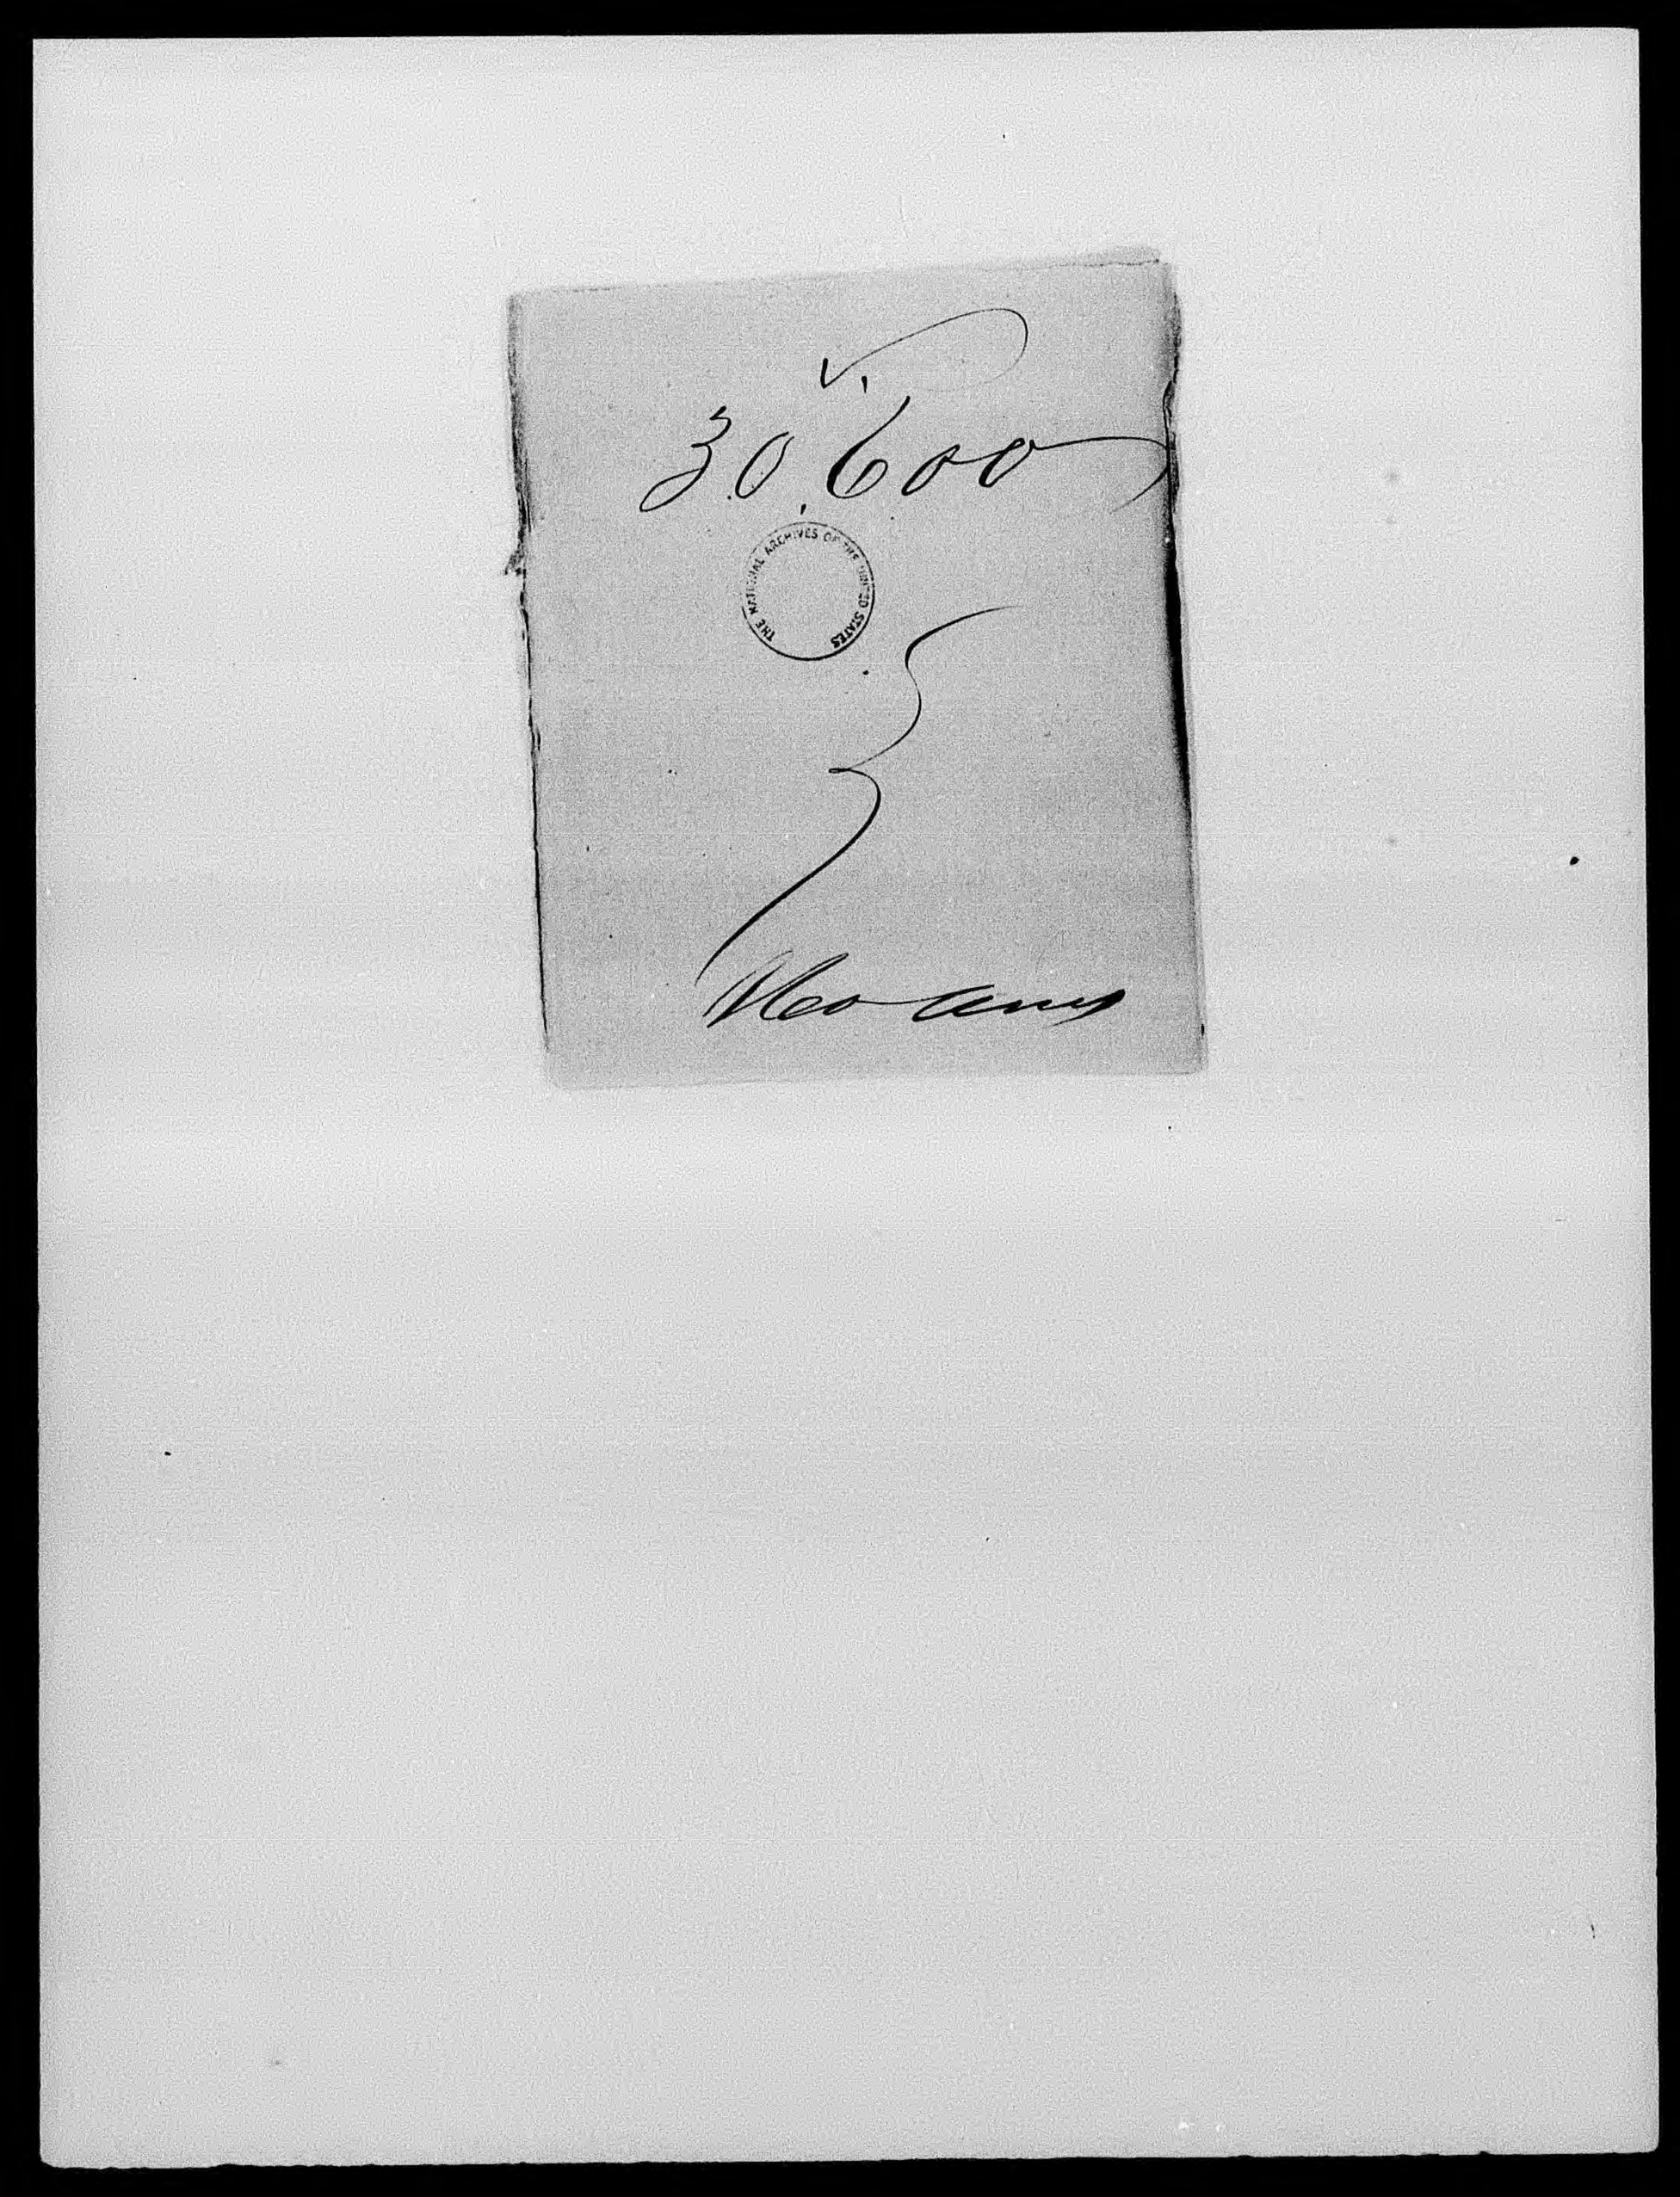√
30.600
[stamp]
THE NATIONAL ARCHIVES OF THE UNITED STATES

Rev War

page: 76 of 98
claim: widow's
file: W. 8398, William Broadway, S.C.